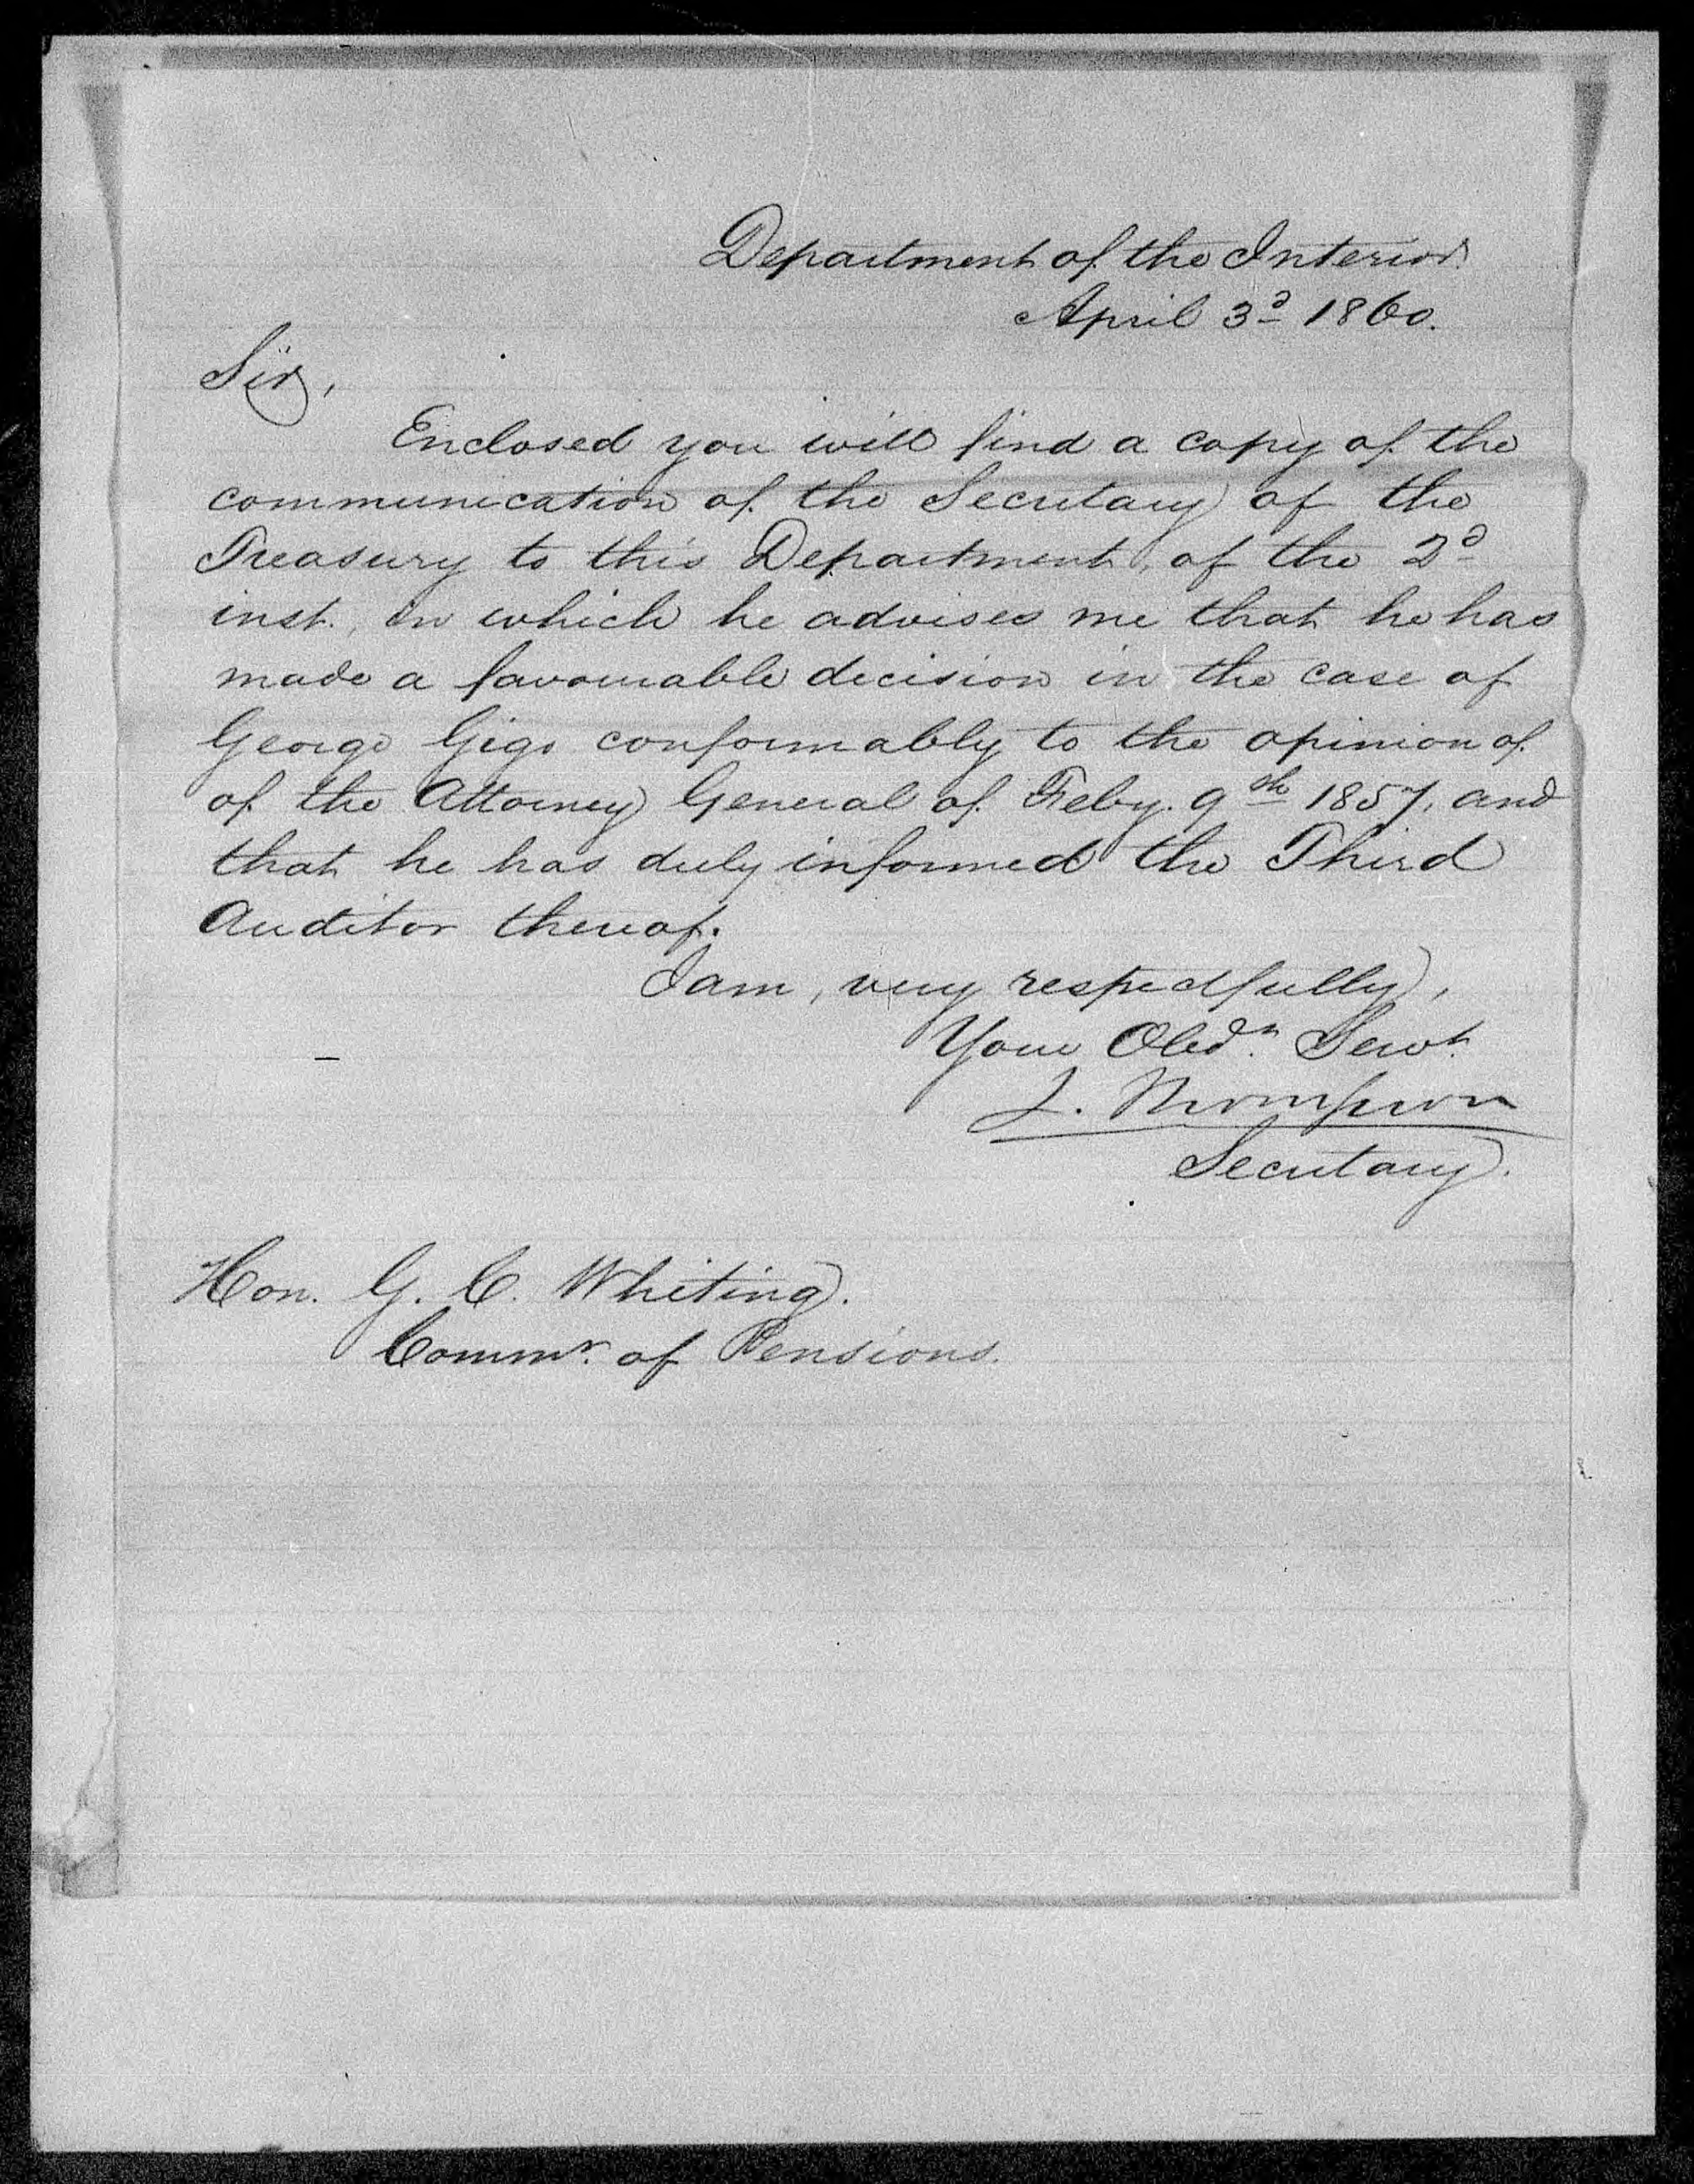Department of the Interior
April 3rd 1860

Sir,
Enclosed you will find a copy of the communication of the Secretary of the Treasury to this Department of the 2nd inst. in which he advises me that he has made a favourable decision in the case of George Gigo conformably to the opinion of the Attorney General of Feby 9th 1857, and that he has duly informed the Third Auditor thereof.
I am, very respectfully,
Your Obdt Servt
J Thompson

Hon G C Whiting
Comm of Pensions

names: George Gigo, G C Whiting, J Thompson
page: 82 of 98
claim: widow's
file: W. 21182, Francis Gigo, Continental (Canadian)